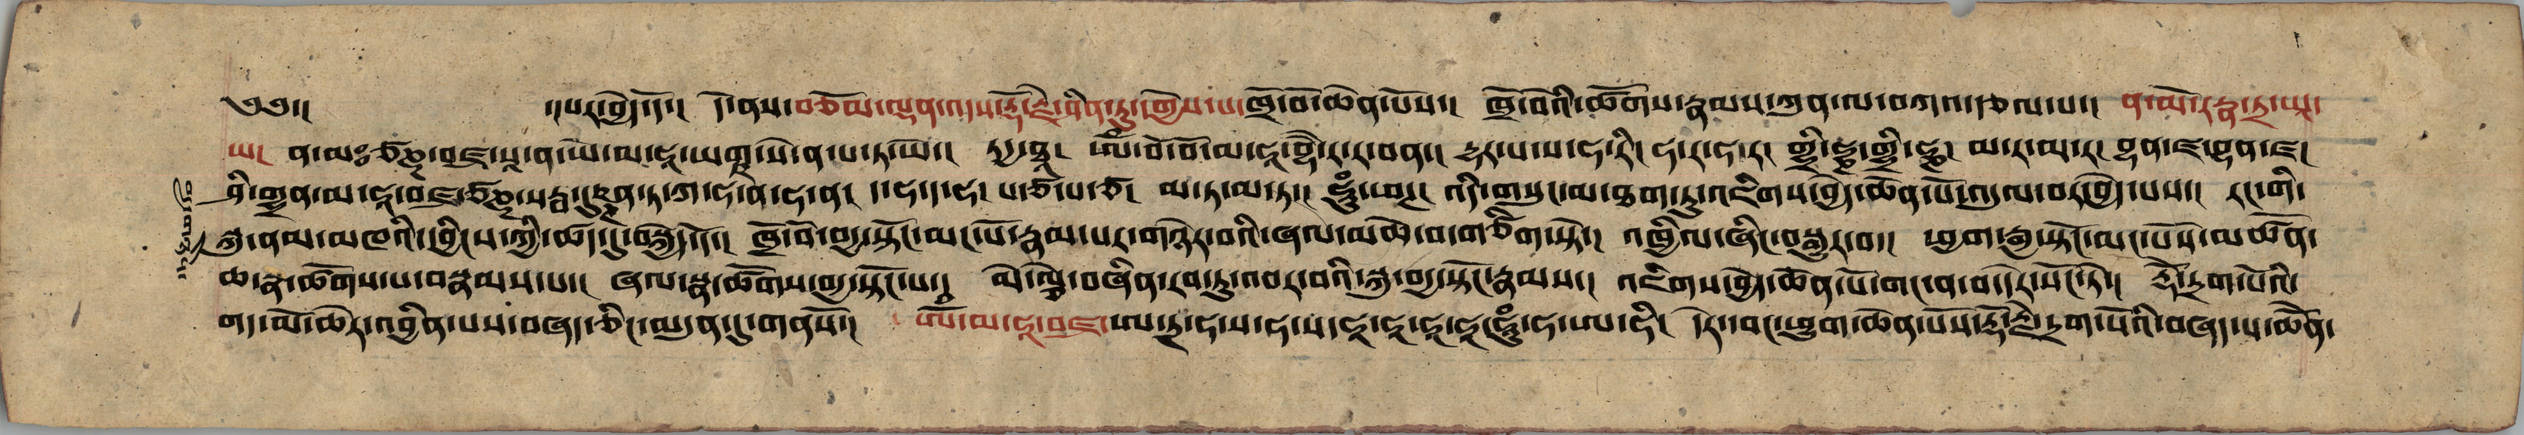༄༅་། ་།པར་བྱེད་དོ་། དེ་ནས་བཅོམ་ལྡན་འདས་རྡོ་རྗེ་ཤིན་ཏུ་དགྱེས་པ་ཁྲོ་བོ་ཆེན་པོས་། ཁྲོ་བོའི་ཚོགས་རྣམས་ཀུན་ལ་བཀའ་རྩལ་པ་། ན་མོ་རརྣ་ཏྲ་ཡཱ་
ཡ། ན་མཿཙཎྜ་བཛྲ་སཱ་ན་ཡེ་མ་ཧཱ་ཡགྵ་སེ་ན་པ་ཏ་ཡེ་། ཏདྱ་ཐཱ། ཨོཾ་བོ་བོ་མ་ཧཱ་བྷཻ་ར་ར་བན་། དྷར་པ་ས་ཧ་རི། ཧ་ར་ཧ་ར། གྷྲི་ཧྞ་གྷྲི་ཧྞ། མ་ར་མ་ར། བྷན་ཛ་བྷན་ཛ།
ཤི་གྷྲན་མ་ཧཱ་བཛྲ་ཙཎྚ་སརྦ་དུཥྚན་ཏ་ཀ་ཧ་ན་ཧ་ན། ད་ཧ་ད་ཧ་ པ་ཙ་པ་ཙ་ མ་ཏ་མ་ཏ་ ཧཱུཾ་ཕཊ། འདི་གསུང་མ་ཐག་ཏུ་འཇིགས་བྱེད་ཆེན་པོ་འདུལ་བར་བྱེད་པས་། རང་གི་
སྐུ་ནམ་མཁའི་དབྱིངས་ཀྱི་ཚད་དུ་བསྐྱེད་དོ་། ཁྲོ་བོ་བདྱ་སྟོང་མང་པོ་རྣམ་པར་གཉེར་བའི་ཞལ་མཆེ་བ་གཙིག་སྟེ་། འཁྱིལ་ཞིང་བསྒྱུར་བ་། ཕྱག་རྒྱ་སྟོང་མང་པོས་མཚན་
ཆ་སྣ་ཚོགས་པ་བསྣམས་པ་། ཞལ་སྣ་ཚོགས་བདྱ་སྟོང་པ་། མེ་ལྕེ་བཞིན་རབ་ཏུ་འབར་བའི་སྐུ་བདྱ་སྟོང་རྣམས་། འཇིགས་བྱེད་ཆེན་པོ་གང་ན་བ་དེར་སོང་ཏེ་། རྡོེ་དྲག་པོའི་
གད་མོ་ཆེར་འབྱིན་པས་བཞད་ཅིང་མདུན་དུ་གནསོ་། ཨོཾ་མ་ཧཱ་བཛྲ་ཨ་ཏྲ་ཧ་ས་ཧ་ས་ཧཱ་ཧཱ་ཧཱ་ཧཱ་ཧཱུཾ་ཧ་ཨ་ཧི། དེར་དབང་ཕྱུག་ཆེན་པོས་རྡོ་རྗེ་དྲག་པོའི་བཞད་པ་ཆེནོ་